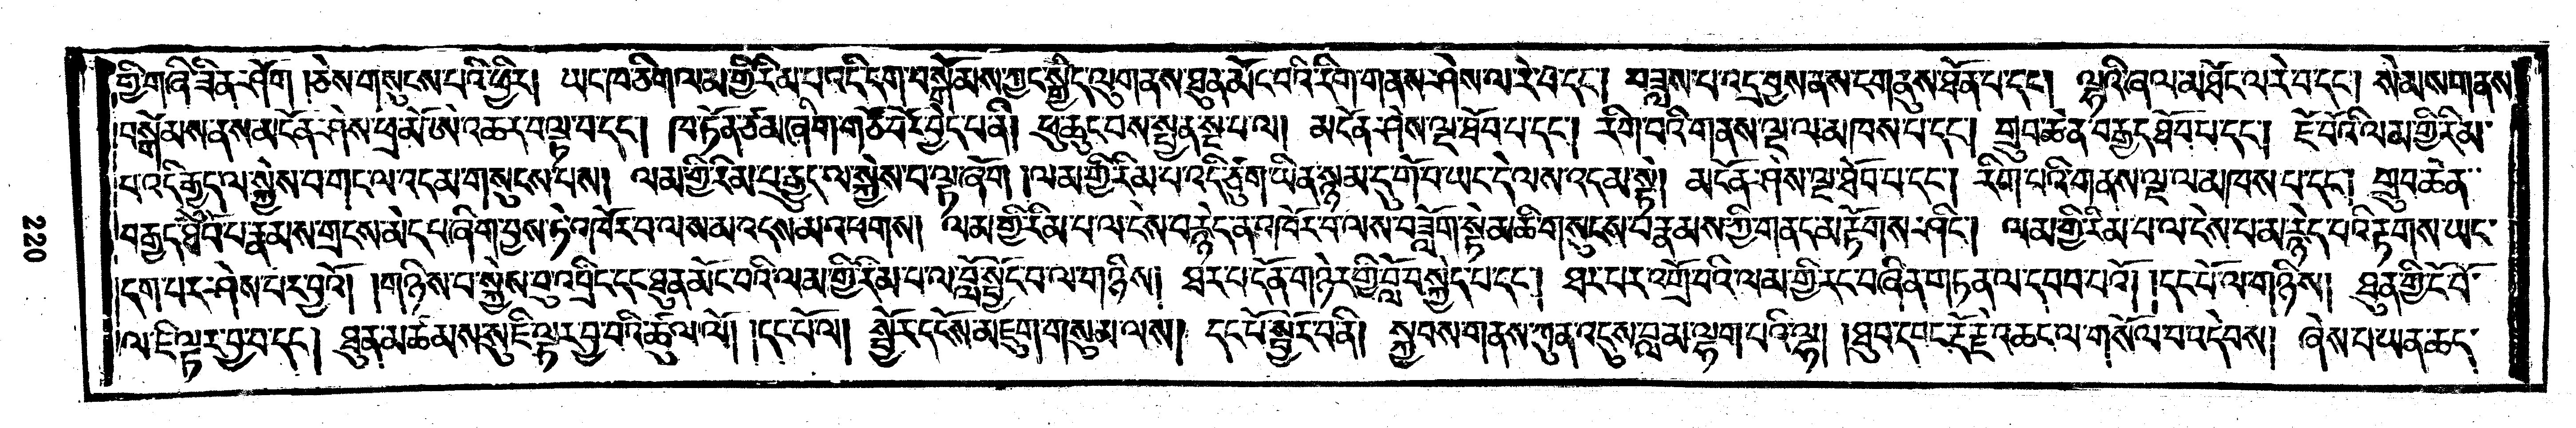གྱི་གཞི་ཟིན་ཤོག །ཅེས་གསུངས་པའི་ཕྱིར། ཡང་ཁ་ཅིག་ལམ་གྱི་རིམ་པ་འདི་དག་བསྒོམས་ཀྱང་སྒྱིད་ལུག་ནས་ཐུན་མོང་བའི་རིག་གནས་ཤེས་ལ་རེ་བ་དང་། བཟླས་པ་འདྲ་བྱས་ནས་ངག་ནུས་ཐོན་པ་དང་། ལྷའི་ཞལ་མཐོང་ལ་རེ་བ་དང་། སེམས་གནས་
བསྒོམས་ནས་མངོན་ཤེས་ཕྲ་མོ་ཨེ་འཆར་བལྟ་བ་དང་། ཁ་ཏོན་ཙམ་ཞིག་གཙོ་བོར་བྱེད་པ་ནི། ཕུ་ཆུང་བས་སྤྱན་སྔ་པ་ལ། མངོན་ཤེས་ལྔ་ཐོབ་པ་དང་། རིག་པའི་གནས་ལྔ་ལ་མཁས་པ་དང་། གྲུབ་ཆེན་བརྒྱད་ཐོབ་པ་དང་། ཇོ་བོའི་ལམ་གྱི་རིམ་
པ་འདི་རྒྱུད་ལ་སྐྱེས་པ་གང་ལ་འདམ་གསུངས་པས། ལམ་གྱི་རིམ་པ་རྒྱུད་ལ་སྐྱེས་པ་ལྟ་ཞོག །ལམ་གྱི་རིམ་པའི་འདི་ཙུག་ཡིན་སྙམ་དུ་གོ་བ་ཡང་དེ་ལས་འདམ་སྟེ། མངོན་ཤེས་ལྔ་ཐོབ་པ་དང་། རིག་པའི་གནས་ལྔ་ལ་མཁས་པ་དང་། གྲུབ་ཆེན་
བརྒྱད་ཐོབ་པ་རྣམས་གྲངས་མེད་པ་ཞིག་བྱས་ཏེ་འཁོར་བ་ལས་མ་འདས་མ་འཕགས། ལམ་གྱི་རིམ་པ་ལ་ངེས་བརྙེད་ན་འཁོར་བ་ལས་བཟློག་སྟེ་མཆི་གསུངས་པ་རྣམས་ཀྱི་གནད་མ་རྟོགས་ཤིང་། ལམ་གྱི་རིམ་པ་ལ་ངེས་པ་མ་རྙེད་པའི་རྟགས་ཡང་
དག་པར་ཤེས་པར་བྱའོ། །གཉིས་པ་བསྐྱེས་བུ་འབྲིང་དང་ཐུན་མོང་བའི་ལམ་གྱི་རིམ་པ་ལ་བློ་སྦྱོང་བ་ལ་གཉིས། ཐར་པ་དོན་གཉེར་གྱི་བློ་བསྐྱེད་པ་དང་། ཐར་པར་འགྲོ་བའི་ལམ་གྱི་རང་བཞིན་གཏན་ལ་དབབ་པའོ། །དང་པོ་ལ་གཉིས། ཐུན་གྱི་ངོ་བོ་
ལ་ཇི་ལྟར་བྱ་བ་དང་། ཐུན་མཚམས་སུ་ཇི་ལྟར་བྱ་བའི་ཚུལ་ལོ། །དང་པོ་ལ། སྦྱོར་དངོས་མཇུག་གསུམ་ལས། དང་པོ་སྦྱོར་བ་ནི། སྐྱབས་གནས་ཀུན་འདུས་བླ་མ་ལྷག་པའི་ལྷ། །ཐུབ་དབང་རྡོ་རྗེ་འཆང་ལ་གསོལ་བ་འདེབས། ཞེས་པ་ཡན་ཆད་